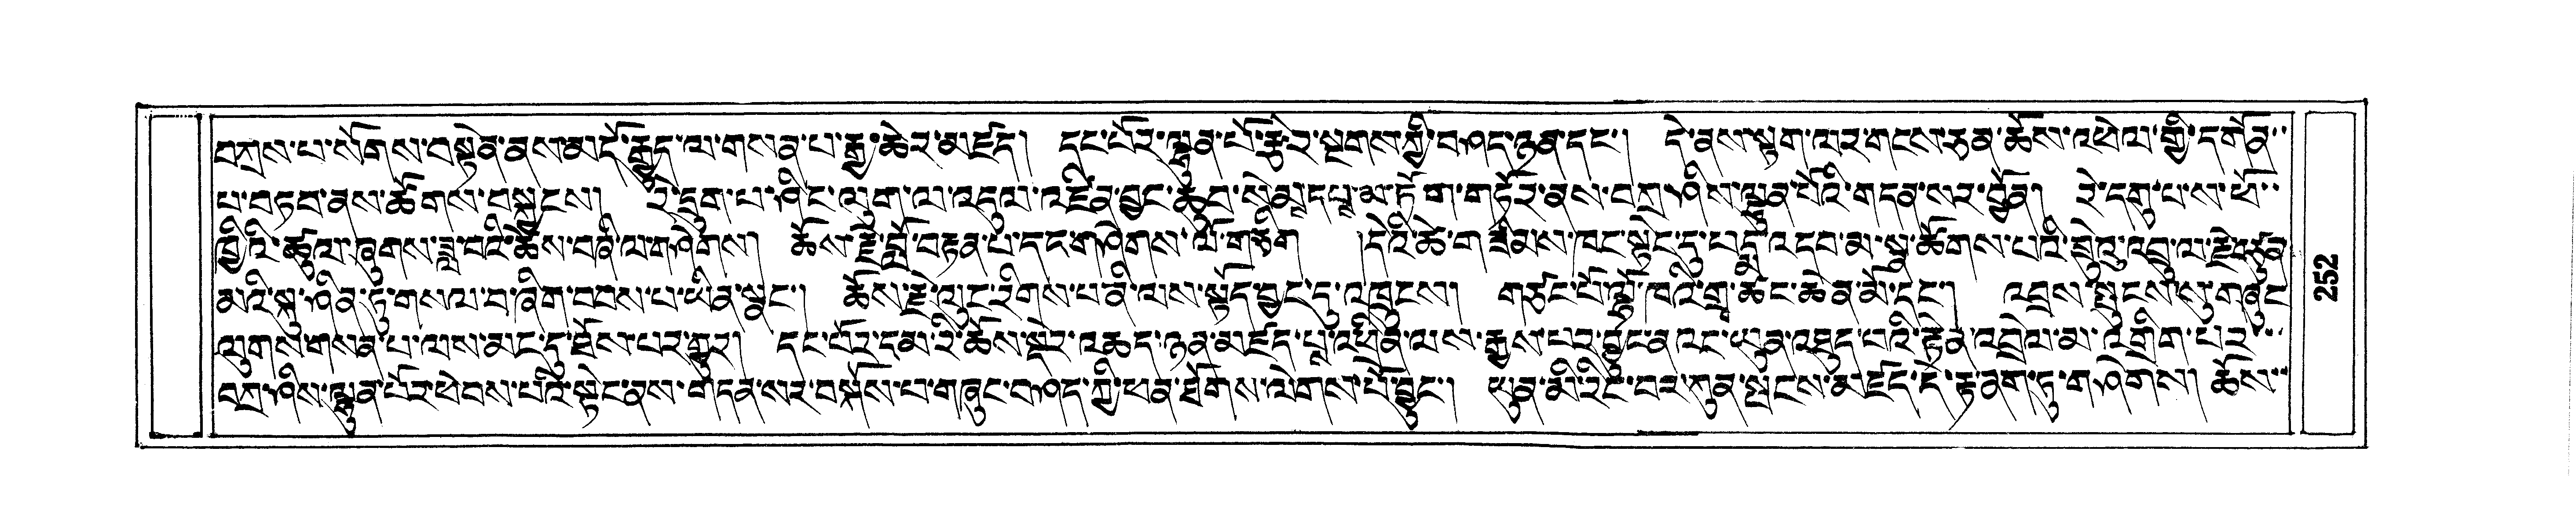བཀྲས་པ་སོགས་བསྟེན་ནས་མདོ་རྒྱུད་ལ་གསན་པ་རྒྱ་ཆེར་མཛད། དང་པོར་ལྷུན་པོ་རྩེར་སྔགས་ཀྱི་བཤད་ཉན་དང་། དེ་ནས་སྟག་ལར་གངས་ཅན་ཆོས་འཕེལ་གྱིས་དགོན་
པ་བཏབ་ནས་ཚོགས་བསྐྱངས། རེ་དྲུག་པ་ཤིང་ལུག་ལ་འདུལ་འཛིན་བྱང་ཆུབ་སྣེམས་དཔས་མ་ཏོག་གཏོར་ནས་བཀྲ་ཤིས་ལྟུང་པོའི་གདན་སར་བྱོན། རེ་དགུ་པ་ས་ཕོ་
ཁྱིའི་ཚུལ་ཞུགས་ཟླ་བའི་ཚེས་བཞི་ལ་གཤེགས། ཆོས་རྗེ་བློ་བརྟན་པ་དང་གཤེགས་ལོ་གཅིག །དེའི་ཚེ་གཟིམས་ཁང་སྟེང་དུ་པདམ་འདབ་མ་སྣ་ཚོགས་པའི་བྲེའུ་འབྲུ་ལ་རྗེ་བཙུན་
མའི་སྐུ་ཤིན་ཏུ་གསལ་བ་ཞིག་བྦས་པ་ཡིན་སྣང་། ཆོས་རྗེ་ལུང་རིགས་པ་ནི་ལས་སྟོད་བྱང་དུ་འཁྲུངས། གཙང་པོ་ལྷོ་ཁའི་གྲྭ་ཚང་ཆེན་མོ་དང་། འབྲས་སྤྲུལ་སུ་གཞུང་
ལུགས་གསན་པ་ལས་མངན་དུ་ཐོས་པར་གྱུར། དང་པོར་དམ་རི་ཆོས་སྡེར་འཆད་ཉན་མཛད་པས་འཕྲིན་ལས་རྒྱས་པར་བྱུང་ནའང་ཡན་འཐུད་པའི་རྟེན་འབྲེལ་མ་འགྲིག་པར་
བཀྲ་ཤིས་ལྷུན་པོར་ཕེབས་པའི་སྟེང་ནས་གདན་སར་བསྐོས་པ་གཞུང་བཤད་ཀྱི་ཕན་ཐོགས་ལེགས་པོ་བྱུང་། ཡུན་མི་རིང་བར་ཀུན་སྤངས་མཛད་དེ་རྟ་ནག་ཏུ་གཤེགས། ཆོས་